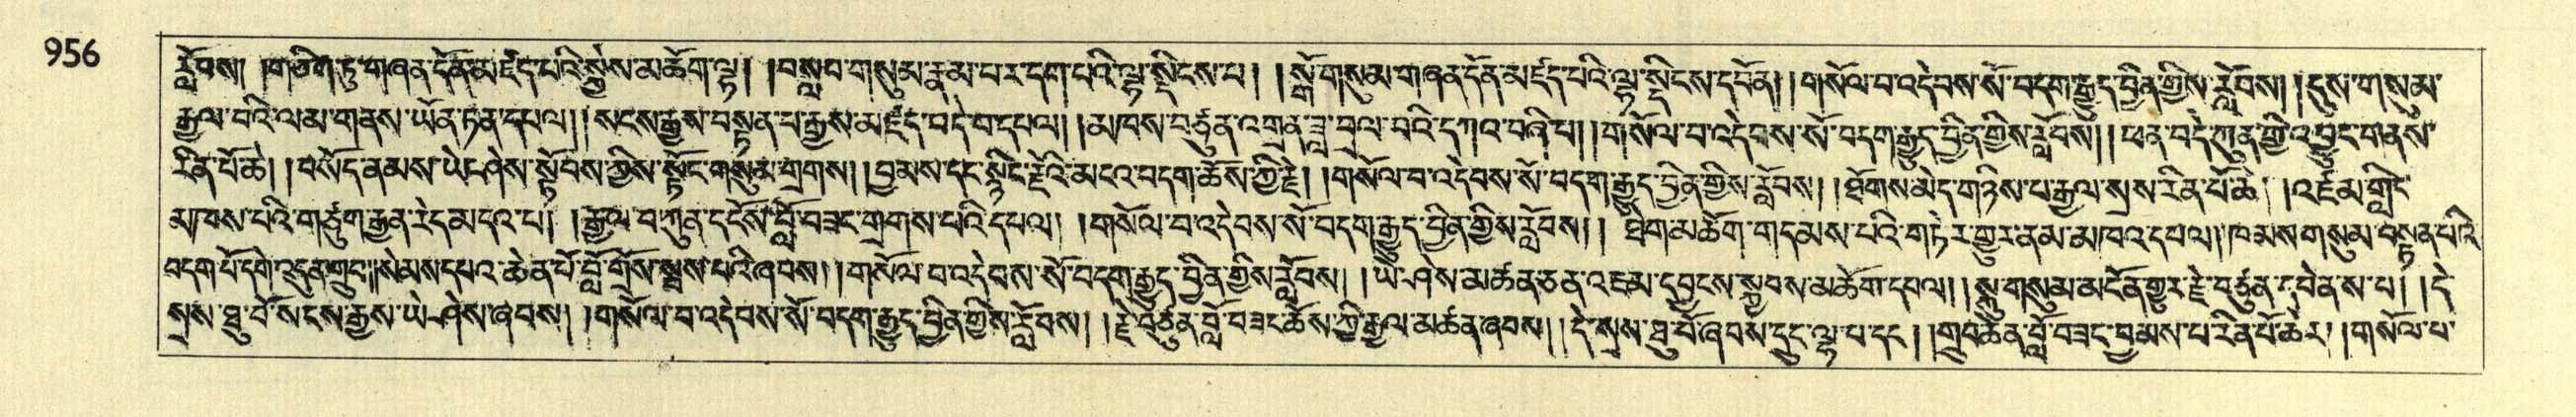རློབས། །གཅིག་ཏུ་གཞན་དོན་མཛད་པའི་སྐྱེས་མཆོག་ལྷ། །བསླབ་གསུམ་རྣམ་པར་དག་པའི་ལྷ་སྡིངས་པ། །སྒོ་གསུམ་གཞན་དོན་མཛད་པའི་ལྷ་སྡིངས་དཔོན། །གསོལ་བ་འདེབས་སོ་བདག་རྒྱུད་བྱིན་གྱིས་རློབས། །དུས་གསུམ་
རྒྱལ་བའི་ལམ་གནས་ཡོན་ཏན་དཔལ། །སངས་རྒྱས་བསྟན་པ་རྒྱས་མཛད་བདེ་བ་དཔལ། །མཁས་བཙུན་འགྲན་ཟླ་བྲལ་བའི་དཀའ་བཞི་པ། །གསོལ་བ་འདེབས་སོ་བདག་རྒྱུད་བྱིན་གྱིས་རློབས། །ཕན་བདེ་ཀུན་གྱི་འབྱུང་གནས་
རིན་པོ་ཆེ། །བསོད་ནམས་ཡེ་ཤེས་སྟོབས་ཀྱིས་སྟོང་གསུམ་གྲགས། །བྱམས་དང་སྙིང་རྗེའི་མངའ་བདག་ཆོས་ཀྱི་རྗེ། །གསོལ་བ་འདེབས་སོ་བདག་རྒྱུད་བྱིན་གྱིས་རློབས། །ཐོགས་མེད་གཉིས་པ་རྒྱལ་སྲས་རིན་པོ་ཆེ། །འཛམ་གླིང་
མཁས་པའི་གཙུག་རྒྱན་རེད་མདའ་པ། །རྒྱལ་བ་ཀུན་དངོས་བློ་བཟང་གྲགས་པའི་དཔལ། །གསོལ་བ་འདེབས་སོ་བདག་རྒྱུད་བྱིན་གྱིས་རློབས། །ཐེག་མཆོག་གདམས་པའི་གཏེར་གྱུར་ནམ་མཁའ་དཔལ། །ཁམས་གསུམ་བསྟན་པའི་
བདག་པོ་དགེ་འདུན་གྲུབ། །སེམས་དཔའ་ཆེན་པོ་བློ་གྲོས་སྤས་པའི་ཞབས། །གསོལ་བ་འདེབས་སོ་བདག་རྒྱུད་བྱིན་གྱིས་རློབས། །ཡེ་ཤེས་མཚན་ཅན་འཇམ་དབྱངས་སྐྱབས་མཆོག་དཔལ། །སྐུ་གསུམ་མངོན་གྱུར་རྗེ་བཙུན་དབེན་ས་པ། །དེ་
སྲས་ཐུ་བོ་སངས་རྒྱས་ཡེ་ཤེས་ཞབས། །གསོལ་བ་འདེབས་སོ་བདག་རྒྱུད་བྱིན་གྱིས་རློབས། །རྗེ་བཙུན་བློ་བཟང་ཆོས་ཀྱི་རྒྱལ་མཚན་ཞབས། །དེ་སྲས་ཐུ་བོ་ཞབས་དྲུང་ལྷ་པ་དང་། །གྲུབ་ཆེན་བློ་བཟང་བྱམས་པ་རིན་པོ་ཆེར། །གསོལ་པ་